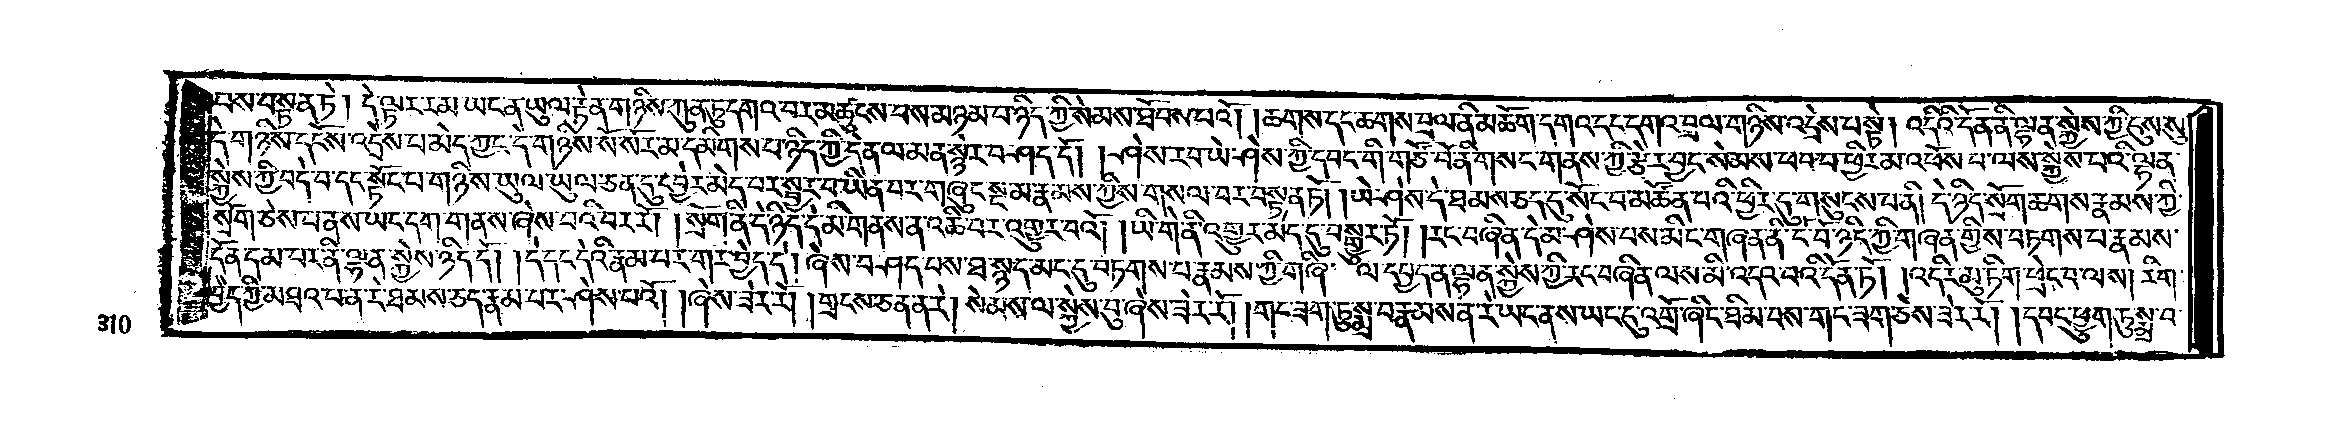པས་བསྟན་ཏེ། དེ་ལྟར་རམ་ཡང་ན་ཡུལ་རྟེན་གཉིས་ཀུན་ཏུ་དགའ་བར་མཚུངས་པས་མཉམ་པ་ཉིད་ཀྱི་སེམས་ཐོབས་པའོ། །ཆགས་དང་ཆགས་བྲལ་ནི་མཆོག་དགའ་དང་དགའ་བྲལ་གཉིས་འདྲེས་པ་སྟེ། འདིའི་དོན་ནི་ལྷན་སྐྱེས་ཀྱི་དུས་སུ་
དེ་གཉིས་དངོས་འདྲེས་པ་མེད་ཀྱང་དེ་གཉིས་སོ་སོར་མ་དམིགས་པ་ཉིད་ཀྱི་དེན་ལ་མན་སྙེར་བཤད་དོ། །ཤེས་རབ་ཡེ་ཤེས་ཀྱི་དབང་གི་གཙོ་བོ་ནི་གསང་གནས་ཀྱི་རྩེར་བྱང་སེམས་ཕབ་པ་ཕྱིར་མ་འཕོས་པ་ལས་སྐྱེས་པའི་ལྷན་
སྐྱེས་ཀྱི་བདེ་བ་དང་སྟོང་པ་གཉིས་ཡུལ་ཡུལ་ཅན་དུ་དབྱེར་མེད་པར་སྦྱར་བ་ཡིན་པར་གཞུང་སྔ་མ་རྣམས་ཀྱིས་གསལ་བར་བསྟན་ཏོ། །ཡེ་ཤེས་དེ་ཐམས་ཅད་དུ་སོང་བ་མཚོན་པའི་ཕྱིར་དུ་གསུངས་པ་ནི། དེ་ཉིད་སྲོག་ཆགས་རྣམས་ཀྱི་
སྲོག་ཅེས་པ་ནས་ཡང་དག་གནས་ཞེས་པའི་བར་རོ། །སྲོག་ནི་དེ་ཉིད་དེ་མི་གནས་ན་འཆི་བར་འགྱུར་བའོ། །ཡི་གེ་ནི་འགྱུར་མེད་དུ་བསྒྱུར་ཏོ། །རང་བཞིན་དེ་མ་ཤེས་པས་མིང་གཞན་ནི་ངོ་བོ་ཉིད་ཀྱི་གཞན་གྱིས་བཏགས་པ་རྣམས་
དོན་དམ་པར་ནི་ལྷན་སྐྱེས་ཉིད་དོ། །དེ་དང་དེའི་རྣམ་པར་གར་བྱེད་དེ། ཞེས་བཤད་པས་ཐ་སྙད་མང་དུ་བཏགས་པ་རྣམས་ཀྱི་གཞི་ལ་དཔྱད་ན་ལྷན་སྐྱེས་ཀྱི་རང་བཞིན་ལས་མི་འདའ་བའི་དོན་ཏོ། །འདིར་མུ་ཏིག་ཕྲེང་བ་ལས། རིག་
བྱེད་ཀྱི་མཐའ་པ་ན་རེ་ཐམས་ཅད་རྣམ་པར་ཤེས་པའོ། །ཞེས་ཟེར་རོ། །གྲངས་ཅན་ན་རེ། སེམས་ལ་སྐྱེས་བུ་ཞེས་ཟེར་རོ། །གང་ཟག་ཏུ་སྨྲ་བ་རྣམས་ན་རེ་ཡང་ནས་ཡང་དུ་འགྲོ་ཞིང་ཐིམ་པས་གང་ཟག་ཅེས་ཟེར་རོ། །དབང་ཕྱུག་ཏུ་སྨྲ་བ་